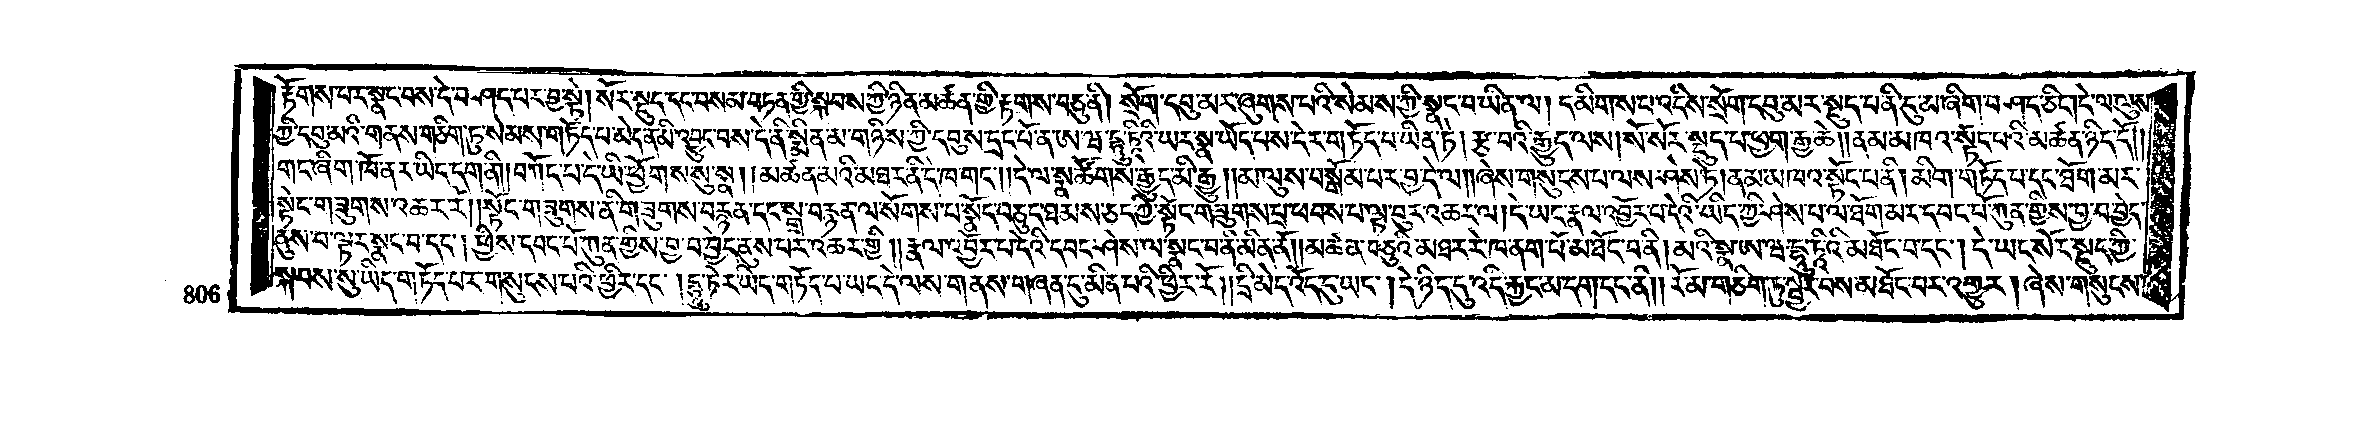རྟོགས་པར་སྣང་བས་དེ་བཤད་པར་བྱ་སྟེ། སོར་སྡུད་དང་བསམ་བཏན་གྱི་སྐབས་ཀྱི་ཉིན་མཚན་གྱི་རྟགས་བཅུ་ནི། སྲོག་དབུ་མར་ཞུགས་པའི་སེམས་ཀྱི་སྣང་བ་ཡིན་ལ། དམིགས་པ་འདིས་སྲོག་དབུ་མར་སྡུད་པ་ནི་དུ་མ་ཞིག་བཤད་ཅིང་། དེ་ལ་ལུས་
ཀྱི་དབུ་མའི་གནས་གཅིག་ཏུ་སེམས་གཏོད་པ་མེད་ན་མི་འབྱུང་བས་དེ་ནི་སྨིན་མ་གཉིས་ཀྱི་དབུས་དྲང་པོ་ན་ཨ་ཝ་དྷཱུ་ཏཱིའི་ཡར་སྣ་ཡོད་པས་དེར་གཏོད་པ་ཡིན་ཏེ། རྩ་བའི་རྒྱུད་ལས། སོ་སོར་སྡུད་པ་ཕྱག་རྒྱ་ཆེ། །ནམ་མཁའ་སྟོང་པའི་མཚན་ཉིད་དོ། །
གང་ཞིག་ཁོ་ནར་ཡིད་དག་ནི། །བཀོད་པ་དེ་ཡི་ཕྱོགས་སུ་སྣ། །མཚན་མའི་མཐར་ནི་དེ་ཁ་གང་། །དེ་ལ་སྣ་ཚོགས་རྒྱུད་མི་རྒྱུ། །མ་ལུས་བསྒོམ་པར་བྱ་དེ་ལ། །ཞེས་གསུངས་པ་ལས་ཤེས་ཏེ། ནམ་མཁའ་སྟོང་པ་ནི། མིག་གཏོང་པ་དང་ཐོག་མར་
སྟེང་གཟུགས་འཆར་རོ། །སྟོང་གཟུགས་ནི་གཟུགས་བརྙན་དང་སྒྲ་བརྙན་ལ་སོགས་པ་སྣོད་བཅུད་ཐམས་ཅད་ཀྱི་སྟོང་གཟུགས་པར་ཕབས་པ་ལྟ་བུར་འཆར་ལ། དེ་ཡང་རྣལ་འབྱོར་པ་དེའི་ཡིད་ཀྱི་ཤེས་པ་ལ་ཐོག་མར་དབང་པོ་ཀུན་གྱིས་བྱ་བ་བྱེད་
ནུས་པ་ལྟར་སྣང་བ་དང་། ཕྱིས་དབང་པོ་ཀུན་གྱིས་བྱ་བ་བྱེད་ནུས་པར་འཆར་གྱི། །རྣལ་འབྱོར་པ་དེའི་དབང་ཤེས་ལ་སྣང་བ་ནི་མིན་ནོ། །མཚན་བཅུའི་མཐར་རེ་ཁ་ནག་པོ་མཐོང་བ་ནི། མའི་སྣ་ཨ་ཝ་དྷཱུ་ཏཱིའི་མཐོང་བ་དང་། དེ་ཡང་སོར་སྡུད་ཀྱི་
སྐབས་སུ་ཡིད་གཏོད་པར་གསུངས་པའི་ཕྱིར་དང་། དྷཱུ་ཏེར་ཡིད་གཏོད་པ་ཡང་དེ་ལས་གནས་གཞན་དུ་མིན་པའི་ཕྱིར་རོ། །དྲི་མེད་འོད་དུ་ཡང་། དེ་ཉིད་དུ་འདིར་རྐྱང་མ་དག་དང་ན། །རོ་མ་གཅིག་ཏུ་སྦྱོར་བས་མཐོང་བར་འགྱུར། ཞེས་གསུངས་